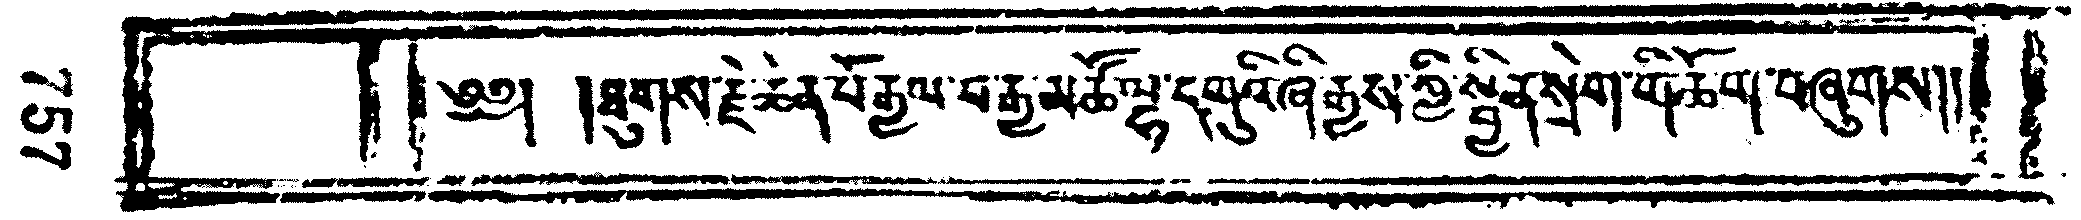༄༅། །ཐུགས་རྗེ་ཆེན་པོ་རྒྱལ་བ་རྒྱ་མཚོ་ལྷ་དགུའི་ཞི་རྒྱས་ཀྱི་སྦྱིན་སྲེག་གི་ཆོ་ག་བཞུགས།།